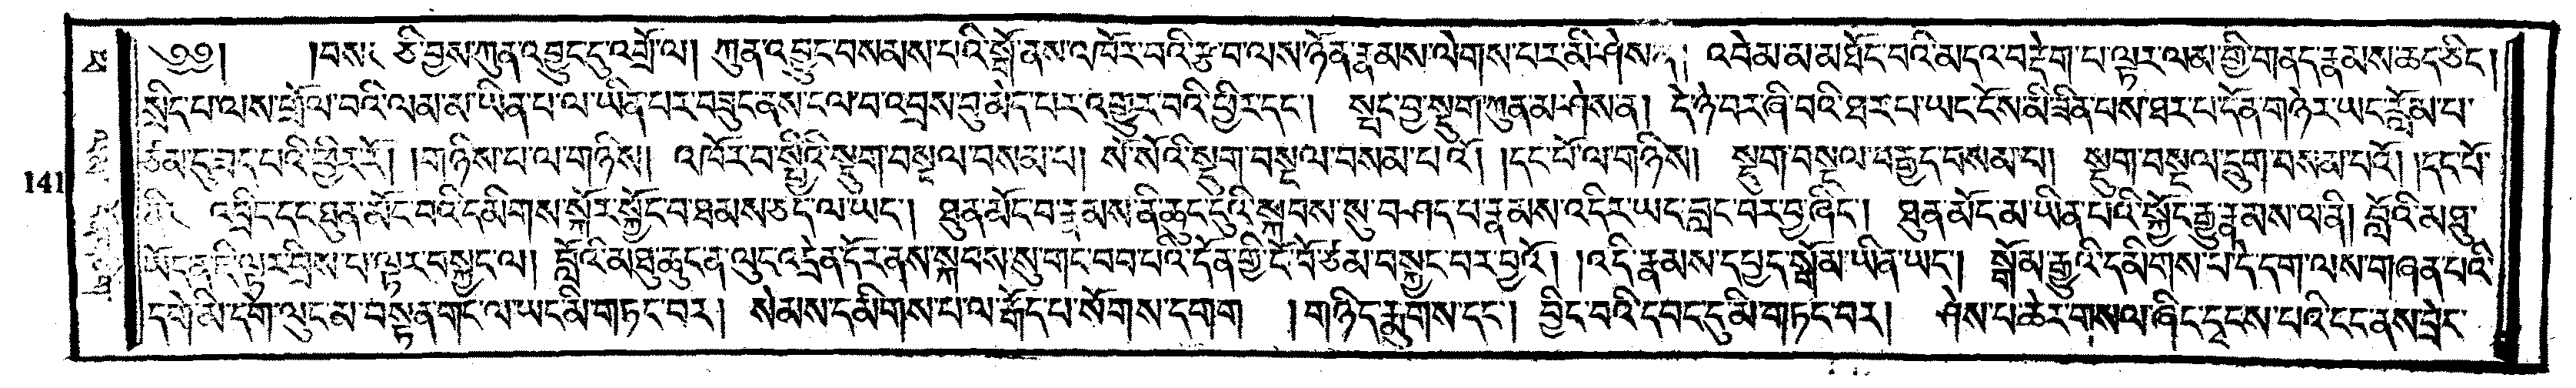༄༅། །བས༑ ཅི་བྱས་ཀུན་འབྱུང་དུ་འགྲོ་ལ། ཀུན་འབྱུང་བསམས་པའི་སྒོ་ནས་འཁོར་བའི་རྩ་བ་ལས་ཉོན་རྣམས་ལེགས་པར་མི་ཤེས་ན། འབེམ་མ་མཐོང་བའི་མདའ་བརྡེག་པ་ལྟར་ལམ་གྱི་གནད་རྣམས་ཆད་ཅིང་།
སྲིད་པ་ལས་གྲོལ་བའི་ལམ་མ་ཡིན་པ་ལ་ཡིན་པར་བཟུང་ནས་ངལ་བ་འབྲས་བུ་མེད་པར་འགྱུར་བའི་ཕྱིར་དང་། སྤང་བྱ་སྡུག་ཀུན་མ་ཤེས་ན། དེ་ཉེ་བར་ཞི་བའི་ཐར་པ་ཡང་ངོས་མི་ཟིན་པས་ཐར་པ་དོན་གཉེར་ཡང་རློམ་པ་
ཙམ་དུ་ཟད་པའི་ཕྱིར་རོ། །གཉིས་པ་ལ་གཉིས། འཁོར་བ་སྤྱིའི་སྡུག་བསྔལ་བསམ་པ། སོ་སོའི་སྡུག་བསྔལ་བསམ་པའོ། །དང་པོ་ལ་གཉིས། སྡུག་བསྔལ་བསམ་བརྒྱད་བསམ་པ། སྡུག་བསྔལ་དྲུག་བསམ་པའོ། །དང་པོ་
ནི༑ འབྲིང་དང་ཐུན་མོང་བའི་དམིགས་སྐོར་སྐྱོང་བ་ཐམས་ཅད་ལ་ཡང་། ཐུན་མོང་བ་རྣམས་ནི་ཆུང་དུའི་སྐབས་སུ་བཤད་པ་རྣམས་འདིར་ཡང་བླང་བར་བྱ་ཞིང་། ཐུན་མོང་མ་ཡིན་པའི་སྐྱོང་རྒྱུ་རྣམས་ལ་ནི། བློའི་མཐུ་
ཡོད་ན་ཇི་ལྟར་བྲིས་པ་ལྟར་བསྐྱང་ལ། བློའི་མཐུ་ཆུང་ན་ལུང་འདྲེན་དོར་ནས་སྐབས་སུ་གང་བབ་པའི་དོན་གྱི་ངོ་བོ་ཙམ་བསྐྱང་བར་བྱའོ། །འདི་རྣམས་དཔྱད་སྒོམ་ཡིན་ཡང་། སྒོམ་རྒྱུའི་དམིགས་པ་དེ་དག་ལས་གཞན་པའི་
དགེ་མི་དགེ་ལུང་མ་བསྟན་གང་ལ་ཡང་མི་གཏང་བར། སེམས་དམིགས་པ་ལ་རྒོད་པ་སོགས་དགག །གཉིད་རྨུགས་དང་། བྱིང་བའི་དབང་དུ་མི་གཏང་བར། ཤེས་པ་ཆེར་གསལ་ཞིང་དྭངས་པའི་ངང་ནས་བྲེང་